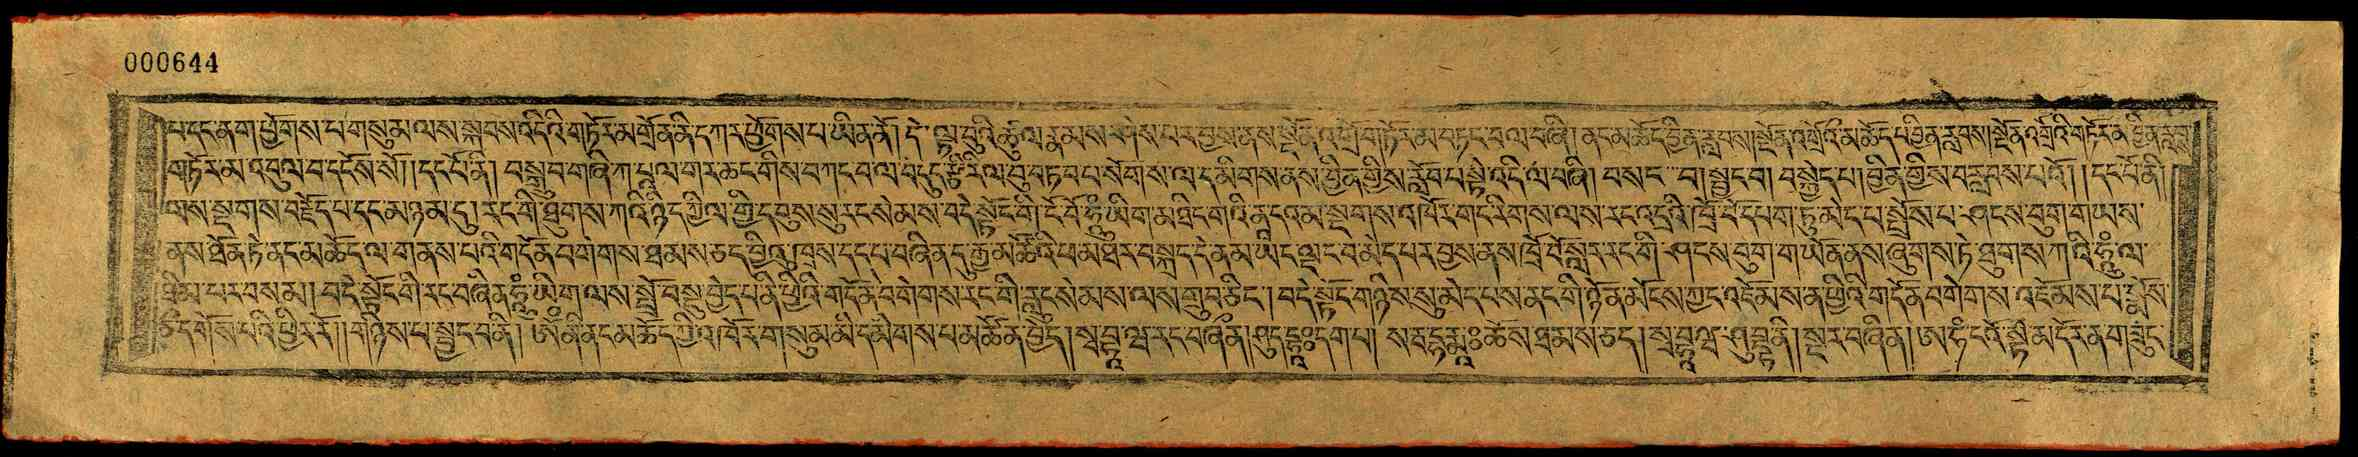པ་དང་ནག་ཕྱོགས་པ་གསུམ་ལས་སྐབས་འདིའི་གཏོར་མགྲོན་ནི་དཀར་ཕྱོགས་པ་ཡིན་ནོ། །དེ་ལྟ་བུའི་ཚུལ་རྣམས་ཤེས་པར་བྱས་ནས་སྔོན་འགྲོ་གཏོར་མ་བཏང་བ་ལ་བཞི། ནང་མཆོད་བྱིན་རླབས། སྔོན་འགྲོའི་མཆོད་པ་བྱིན་རླབས། སྔོན་འགྲོའི་གཏོར་མ་བྱིན་རླབས།
གཏོར་མ་འབུལ་བ་དངོས་སོ། །དང་པོ་ནི། བསྒྲུབ་གཞི་ཀ་པཱ་ལ་གར་ཆང་གིས་བཀང་བ་ལ་བདུད་རྩི་རིལ་བུ་བཏབ་པ་སོགས་ལ་དམིགས་ནས་བྱིན་གྱིས་རློབ་པ་སྟེ་འདི་ལ་བཞི། བསང་བ། སྦྱང་བ། བསྐྱེད་པ། བྱིན་གྱིས་བརླབས་པའོ། །དང་པོ་ནི།
ལས་སྔགས་བརྗོད་པ་དང་མཉམ་དུ། རང་གི་ཐུགས་ཀའི་ཉི་དཀྱིལ་གྱི་དབུས་སུ་རང་སེམས་བདེ་སྟོང་གི་ངོ་བོ་ཧཱུཾ་ཡིག་མཐིང་གའི་ནཱ་ད་འམ་སྔགས་འཁོར་གང་རིགས་ལས་རང་འདྲའི་ཁྲོ་བོ་དཔག་ཏུ་མེད་པ་སྤྲོས་པ་ཤངས་བུག་གཡས་
ནས་ཐོན་ཏེ་ནང་མཆོད་ལ་གནས་པའི་གདོན་བགེགས་ཐམས་ཅད་བྱིའུ་ཁྲས་དེད་པ་བཞིན་དུ་རྒྱ་མཚོའི་ཕ་མཐར་བསྐྲད་དེ་ནམ་ཡང་ལྡང་བ་མེད་པར་བྱས་ནས་ཁྲོ་བོ་སླར་རང་གི་ཤངས་བུག་གཡོན་ནས་ཞུགས་ཏེ་ཐུགས་ཀའི་ཧཱུཾ་ལ་
ཐིམ་པར་བསམ། བདེ་སྟོང་གི་རང་བཞིན་ཧཱུཾ་ཡིག་ལས་སྤྲོ་བསྡུ་བྱེད་པ་ནི་ཕྱིའི་གདོན་བགེགས་རང་གི་རླུང་སེམས་ལས་གྲུབ་ཅིང་། བདེ་སྟོང་གཉིས་སུ་མེད་པས་ནང་གི་ཉོན་མོངས་ཀྱང་འཇོམས་ན་ཕྱིའི་གདོན་བགེགས་འཇོམས་པ་སྨོས་
ཅི་དགོས་པའི་ཕྱིར་རོ། །གཉིས་པ་སྦྱང་བ་ནི། ཨོཾ་ནི་ནང་མཆོད་ཀྱི་འཁོར་གསུམ་མི་དམིགས་པ་མཚོན་བྱེད། སྭ་བྷཱ་ཝ་རང་བཞིན། ཤུད་དྷཱཿ དག་པ། སྲྦ་དྷརྨཱཿ ཆོས་ཐམས་ཅད། སྭ་བྷཱ་ཝ་ཤུ་དྡྷ་ནི། སྔར་བཞིན། ཨ་ཧཾ་ངའོ་སྟེ་མདོར་ན་གཟུང་